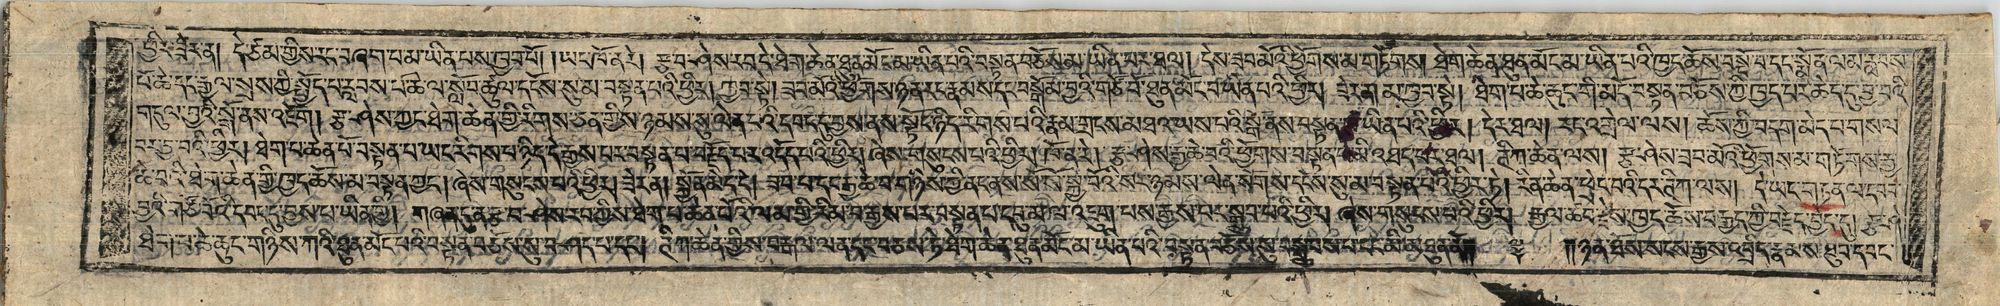ཕྱིར་ཟེར་ན། དེ་ཙམ་གྱིས་རང་བཞག་བ་མ་ཡིན་པས་ཁྱབ་པོ། །ཡང་ཁོ་ན་རེ། རྩ་བ་ཤེས་རབ་དེ་ཐེག་ཚེན་ཐུན་མོང་མ་ཡིན་པའི་བསྟན་བཅོས་མ་ཡིན་པར་ཐལ། དེས་ཟབ་མོའི་ཕྱོགས་མ་གཏོགས། ཐེག་ཆེན་ཐུན་མོང་མ་ཡིན་པའི་ཁྱད་ཆོས་བསྔོ་བ་དང་སྨོན་ལམ་རླབས་
པོ་ཆེ་དང་རྒྱལ་སྲས་ཀྱི་སྤྱོད་པ་རླབས་པོ་ཆེ་ལ་སློབ་ཚུལ་དངོས་སུ་མ་བསྟན་པའི་ཕྱིར། ཁྱབ་སྟེ། ཟབ་མོའི་ཕྱོགས་ཉན་རང་རྣམས་དང་བསྒོམ་བྱའི་གཙོ་བོ་ཐུན་མོང་བ་ཡིན་པའི་ཕྱིར། ཟེར་ན། མ་ཁྱབ་སྟེ། ཐེག་པ་ཆེ་ཆུང་གི་མདོ་བསྟན་བཅོས་ཀྱི་ཁྱད་པར་ཆེད་དུ་བྱ་བའི་
གདུལ་བྱའི་སྒོ་ནས་འཇོག །རྩ་ཤེས་ཀྱང་ཐེག་ཆེན་གྱི་རིགས་ཅན་གྱིས་ཉམས་སུ་ལེན་པའི་དབང་དུ་བྱས་ནས་སྟོང་ཉིད་རིགས་པའི་རྣམ་གྲངས་མཐའ་ཡས་པའི་སྒོ་ནས་བསྟན་པ་ཡིན་པའི་ཕྱིར། དེར་ཐལ། རང་འགྲེལ་ལས། ཆོས་ཀྱི་བདག་མེད་པ་གསལ་
བར་བྱ་བའི་ཕྱིར། ཐེག་པ་ཆེན་པོ་བསྟན་པ་ཡང་རིགས་པ་ཉིད་དེ་རྒྱས་པར་བསྟན་པ་བརྗོད་པར་འདོད་པའི་ཕྱིར། ཞེས་གསུངས་པའི་ཕྱིར། ཁོ་ན་རེ། རྩ་ཤེས་རྒྱ་ཆེ་བའི་ཕྱོགས་བསྟན་པ་མི་འཐད་པར་ཐལ། ཊིཀ་ཆེན་ལས། རྩ་ཤེས་ཟབ་མོའི་ཕྱོགས་མ་གཏོགས་རྒྱ་
ཆེ་བའི་ཐེག་ཆེན་གྱི་ཁྱད་ཆོས་མ་བསྟན་ཀྱང་། ཞེས་གསུངས་པའི་ཕྱིར། ཟེར་ན། སྐྱོན་མེད་དེ། ཟབ་པ་དང་རྒྱ་ཆེ་བ་གཉིས་ཀྱི་ནང་ནས་སོ་སོ་སྐྱེ་བོའི་སར་ཉམས་ལེན་སོགས་དངོས་སུ་མ་བསྟན་པའི་ཕྱིར་ཏེ། རིན་ཆེན་ཕྲེང་བའི་དར་ཊིཀ་ལས། དེ་ཡང་གཏན་ལ་དབབ་
བྱའི་གཙོ་བོའི་དབང་དུ་བྱས་པ་ཡིན་གྱི། གཞན་དུ་ན་རྩ་བཤེས་རབ་ཀྱིས་ཐེག་པ་ཆེན་པོའི་ལམ་གྱི་རིམ་བ་རྒྱས་པར་བསྟན་པ་དབུ་མ་ལ་འཇུག་པས་རྒྱས་པར་སྒྲུབ་པའི་ཕྱིར། ཞེས་གསུངས་པའི་ཕྱིར། རྒྱལ་ཚབ་རྗེས་ཁྱད་ཆོས་བརྒྱད་ཀྱི་བརྗེད་བྱང་དུ། རྩ་ཤེ་
ཐེག་པ་ཆེ་ཆུང་གཉིས་ཀའི་ཐུན་མོང་པའི་བསྟན་བཅོས་སུ་བཤད་པ་དང་། ཊིཀ་ཆེན་གྱིས་བརྒལ་ལན་དང་བཅས་ཏེ་ཐེག་ཆེན་ཐུན་མོང་མ་ཡིན་པའི་བསྟན་བཅོས་སུ་བསྒྲུབས་བ་དང་མི་མཐུན་ནོ།། ༈ །།ཉན་ཐོས་སངས་རྒྱས་འབྲིད་རྣམས་ཐུབ་དབང་